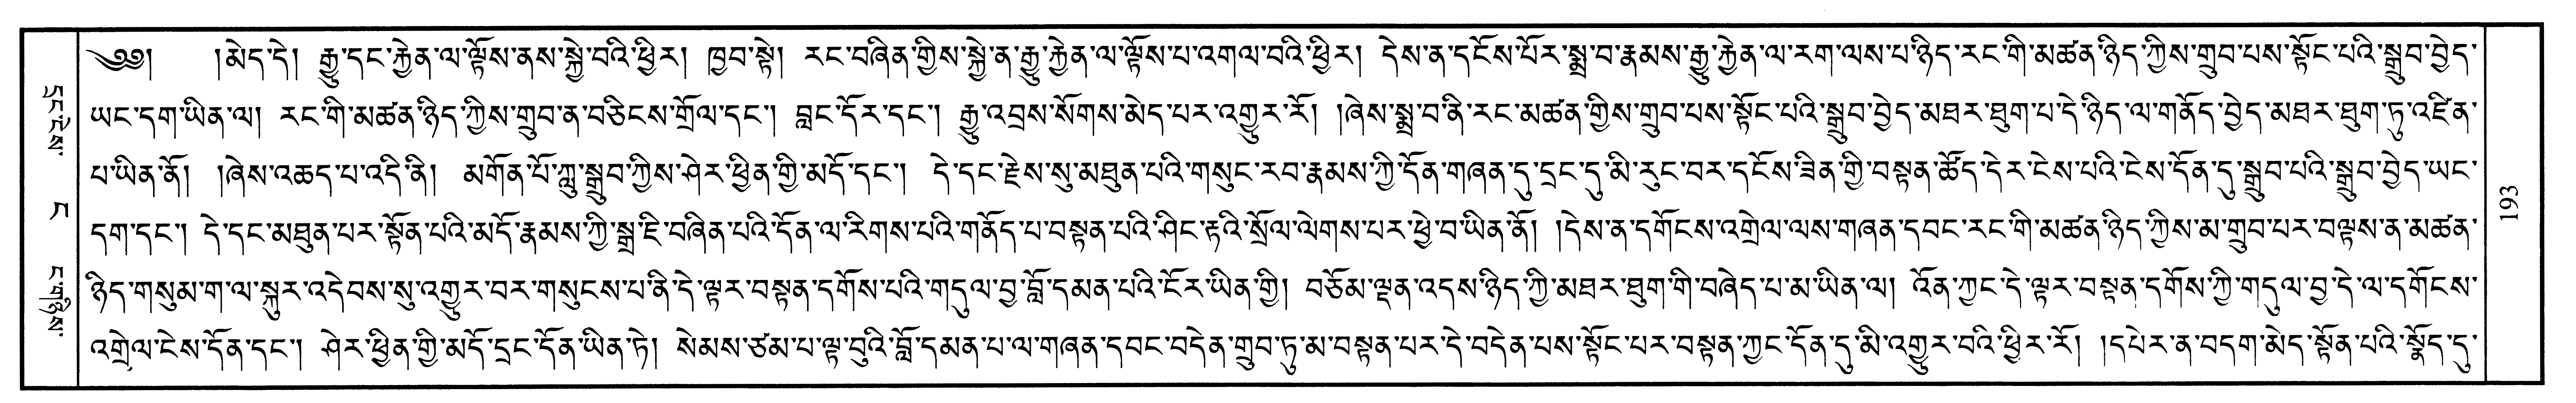༄༅། །མེད་དེ། རྒྱུ་དང་རྐྱེན་ལ་ལྟོས་ནས་སྐྱེ་བའི་ཕྱིར། ཁྱབ་སྟེ། རང་བཞིན་གྱིས་སྐྱེ་ན་རྒྱུ་རྐྱེན་ལ་ལྟོས་པ་འགལ་བའི་ཕྱིར། དེས་ན་དངོས་པོར་སྨྲ་བ་རྣམས་རྒྱུ་རྐྱེན་ལ་རག་ལས་པ་ཉིད་རང་གི་མཚན་ཉིད་ཀྱིས་གྲུབ་པས་སྟོང་པའི་སྒྲུབ་བྱེད་
ཡང་དག་ཡིན་ལ། རང་གི་མཚན་ཉིད་ཀྱིས་གྲུབ་ན་བཅིངས་གྲོལ་དང་། བླང་དོར་དང་། རྒྱུ་འབྲས་སོགས་མེད་པར་འགྱུར་རོ། །ཞེས་སྨྲ་བ་ནི་རང་མཚན་གྱིས་གྲུབ་པས་སྟོང་པའི་སྒྲུབ་བྱེད་མཐར་ཐུག་པ་དེ་ཉིད་ལ་གནོད་བྱེད་མཐར་ཐུག་ཏུ་འཛིན་
པ་ཡིན་ནོ། །ཞེས་འཆད་པ་འདི་ནི། མགོན་པོ་ཀླུ་སྒྲུབ་ཀྱིས་ཤེར་ཕྱིན་གྱི་མདོ་དང་། དེ་དང་རྗེས་སུ་མཐུན་པའི་གསུང་རབ་རྣམས་ཀྱི་དོན་གཞན་དུ་དྲང་དུ་མི་རུང་བར་དངོས་ཟིན་གྱི་བསྟན་ཚོད་དེར་ངེས་པའི་ངེས་དོན་དུ་སྒྲུབ་པའི་སྒྲུབ་བྱེད་ཡང་
དག་དང་། དེ་དང་མཐུན་པར་སྟོན་པའི་མདོ་རྣམས་ཀྱི་སྒྲ་ཇི་བཞིན་པའི་དོན་ལ་རིགས་པའི་གནོད་པ་བསྟན་པའི་ཤིང་རྟའི་སྲོལ་ལེགས་པར་ཕྱེ་བ་ཡིན་ནོ། །དེས་ན་དགོངས་འགྲེལ་ལས་གཞན་དབང་རང་གི་མཚན་ཉིད་ཀྱིས་མ་གྲུབ་པར་བལྟས་ན་མཚན་
ཉིད་གསུམ་ག་ལ་སྐུར་འདེབས་སུ་འགྱུར་བར་གསུངས་པ་ནི་དེ་ལྟར་བསྟན་དགོས་པའི་གདུལ་བྱ་བློ་དམན་པའི་ངོར་ཡིན་གྱི། བཅོམ་ལྡན་འདས་ཉིད་ཀྱི་མཐར་ཐུག་གི་བཞེད་པ་མ་ཡིན་ལ། འོན་ཀྱང་དེ་ལྟར་བསྟན་དགོས་ཀྱི་གདུལ་བྱ་དེ་ལ་དགོངས་
འགྲེལ་ངེས་དོན་དང་། ཤེར་ཕྱིན་གྱི་མདོ་དྲང་དོན་ཡིན་ཏེ། སེམས་ཙམ་པ་ལྟ་བུའི་བློ་དམན་པ་ལ་གཞན་དབང་བདེན་གྲུབ་ཏུ་མ་བསྟན་པར་དེ་བདེན་པས་སྟོང་པར་བསྟན་ཀྱང་དོན་དུ་མི་འགྱུར་བའི་ཕྱིར་རོ། །དཔེར་ན་བདག་མེད་སྟོན་པའི་སྣོད་དུ་